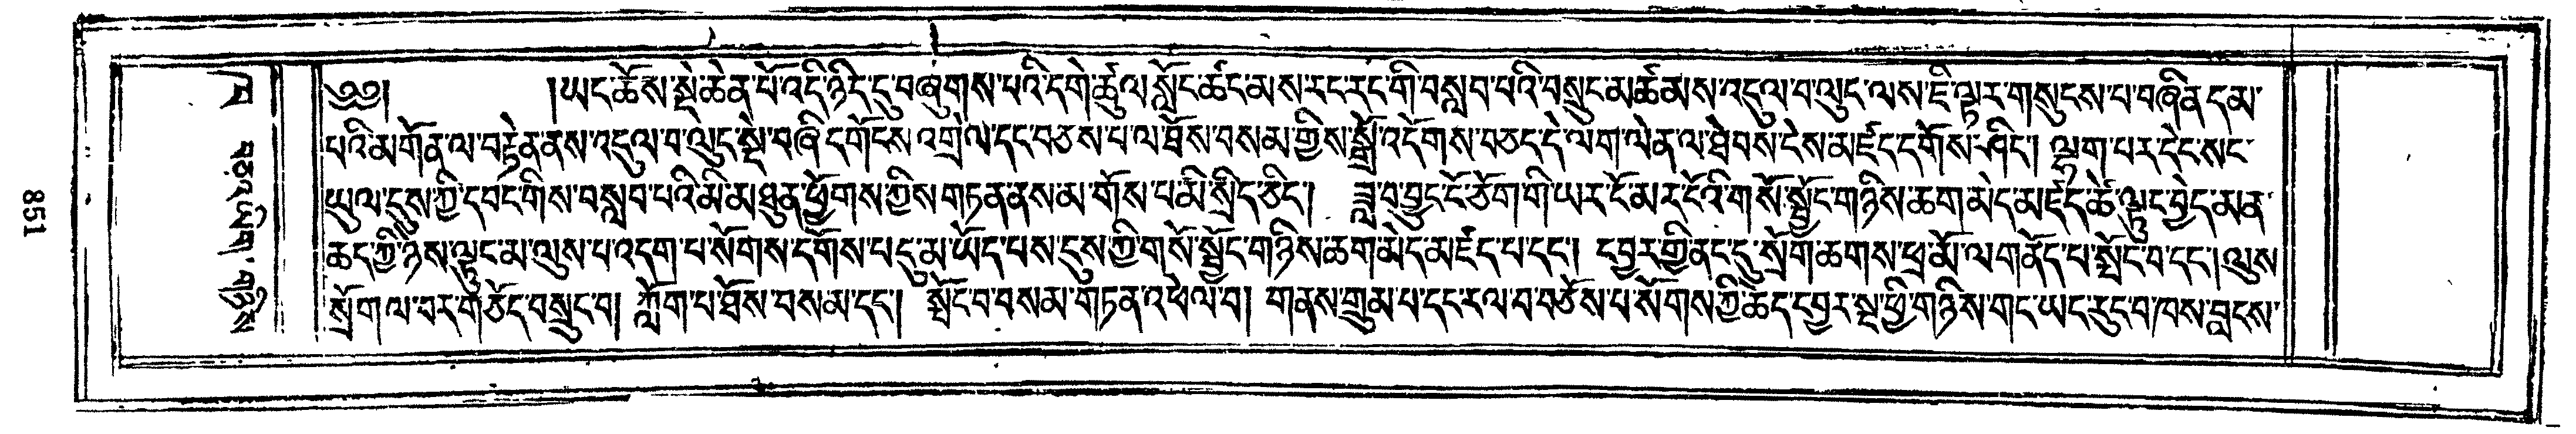༄༅། །ཡང་ཆོས་སྡེ་ཆེན་པོ་འདི་ཉིད་དུ་བཞུགས་པའི་དགེ་ཚུལ་སློང་ཚང་མས་རང་རང་གི་བསླབ་པའི་བསྲུང་མཚམས་འདུལ་བ་ལུང་ལས་ཇི་ལྟར་གསུངས་པ་བཞིན་དམ་
པའི་མགོན་ལ་བརྟེན་ནས་འདུལ་བ་ལུང་སྔེ་བཞི་དགོངས་འགྲེལ་དང་བཅས་པ་ལ་ཐོས་བསམ་གྱིས་སྒྲོ་འདོགས་བཅད་དེ་ལག་ལེན་ལ་ཐེབས་ངེས་མཛད་དགོས་ཤིང་། ལྷག་པར་དེང་སང་
ཡུལ་དུས་ཀྱི་དབང་གིས་བསླབ་པའི་མི་མཐུན་ཕྱོགས་ཀྱིས་གཏན་ནས་མ་གོས་པ་མི་སྲིད་ཅིང་། ཟླ་བ་བྱུང་ངོ་ཅོག་གི་ཡར་ངོ་མར་ངོའི་གསོ་སྦྱོང་གཉིས་ཆག་མེད་མཛད་ཚེ་ལྟུང་བྱེད་མན་
ཆད་ཀྱི་ཉེས་ལྟུང་མ་ལུས་པ་འདག་པ་སོགས་དགོས་པ་དུ་མ་ཡོད་པས་དུས་ཀྱི་གསོ་སྦྱོང་གཉིས་ཆག་མེད་མཛད་པ་དང་། དབྱར་གྱི་ནང་དུ་སྲོག་ཆགས་ཕྲ་མོ་ལ་གནོད་པ་སྤོང་བ་དང་། ལུས་
སྲོག་ལ་བར་གཅོད་བསྲུང་བ། ཀློག་པ་ཐོས་བསམ་དང་། སྤོང་བ་བསམ་གཏན་འཕེལ་བ། གནས་གྲུམ་པ་དང་རལ་བ་བཅོས་པ་སོགས་ཀྱི་ཆེད་དབྱར་སྔ་ཕྱི་གཉིས་གང་ཡང་རུང་བ་ཁས་བླངས་